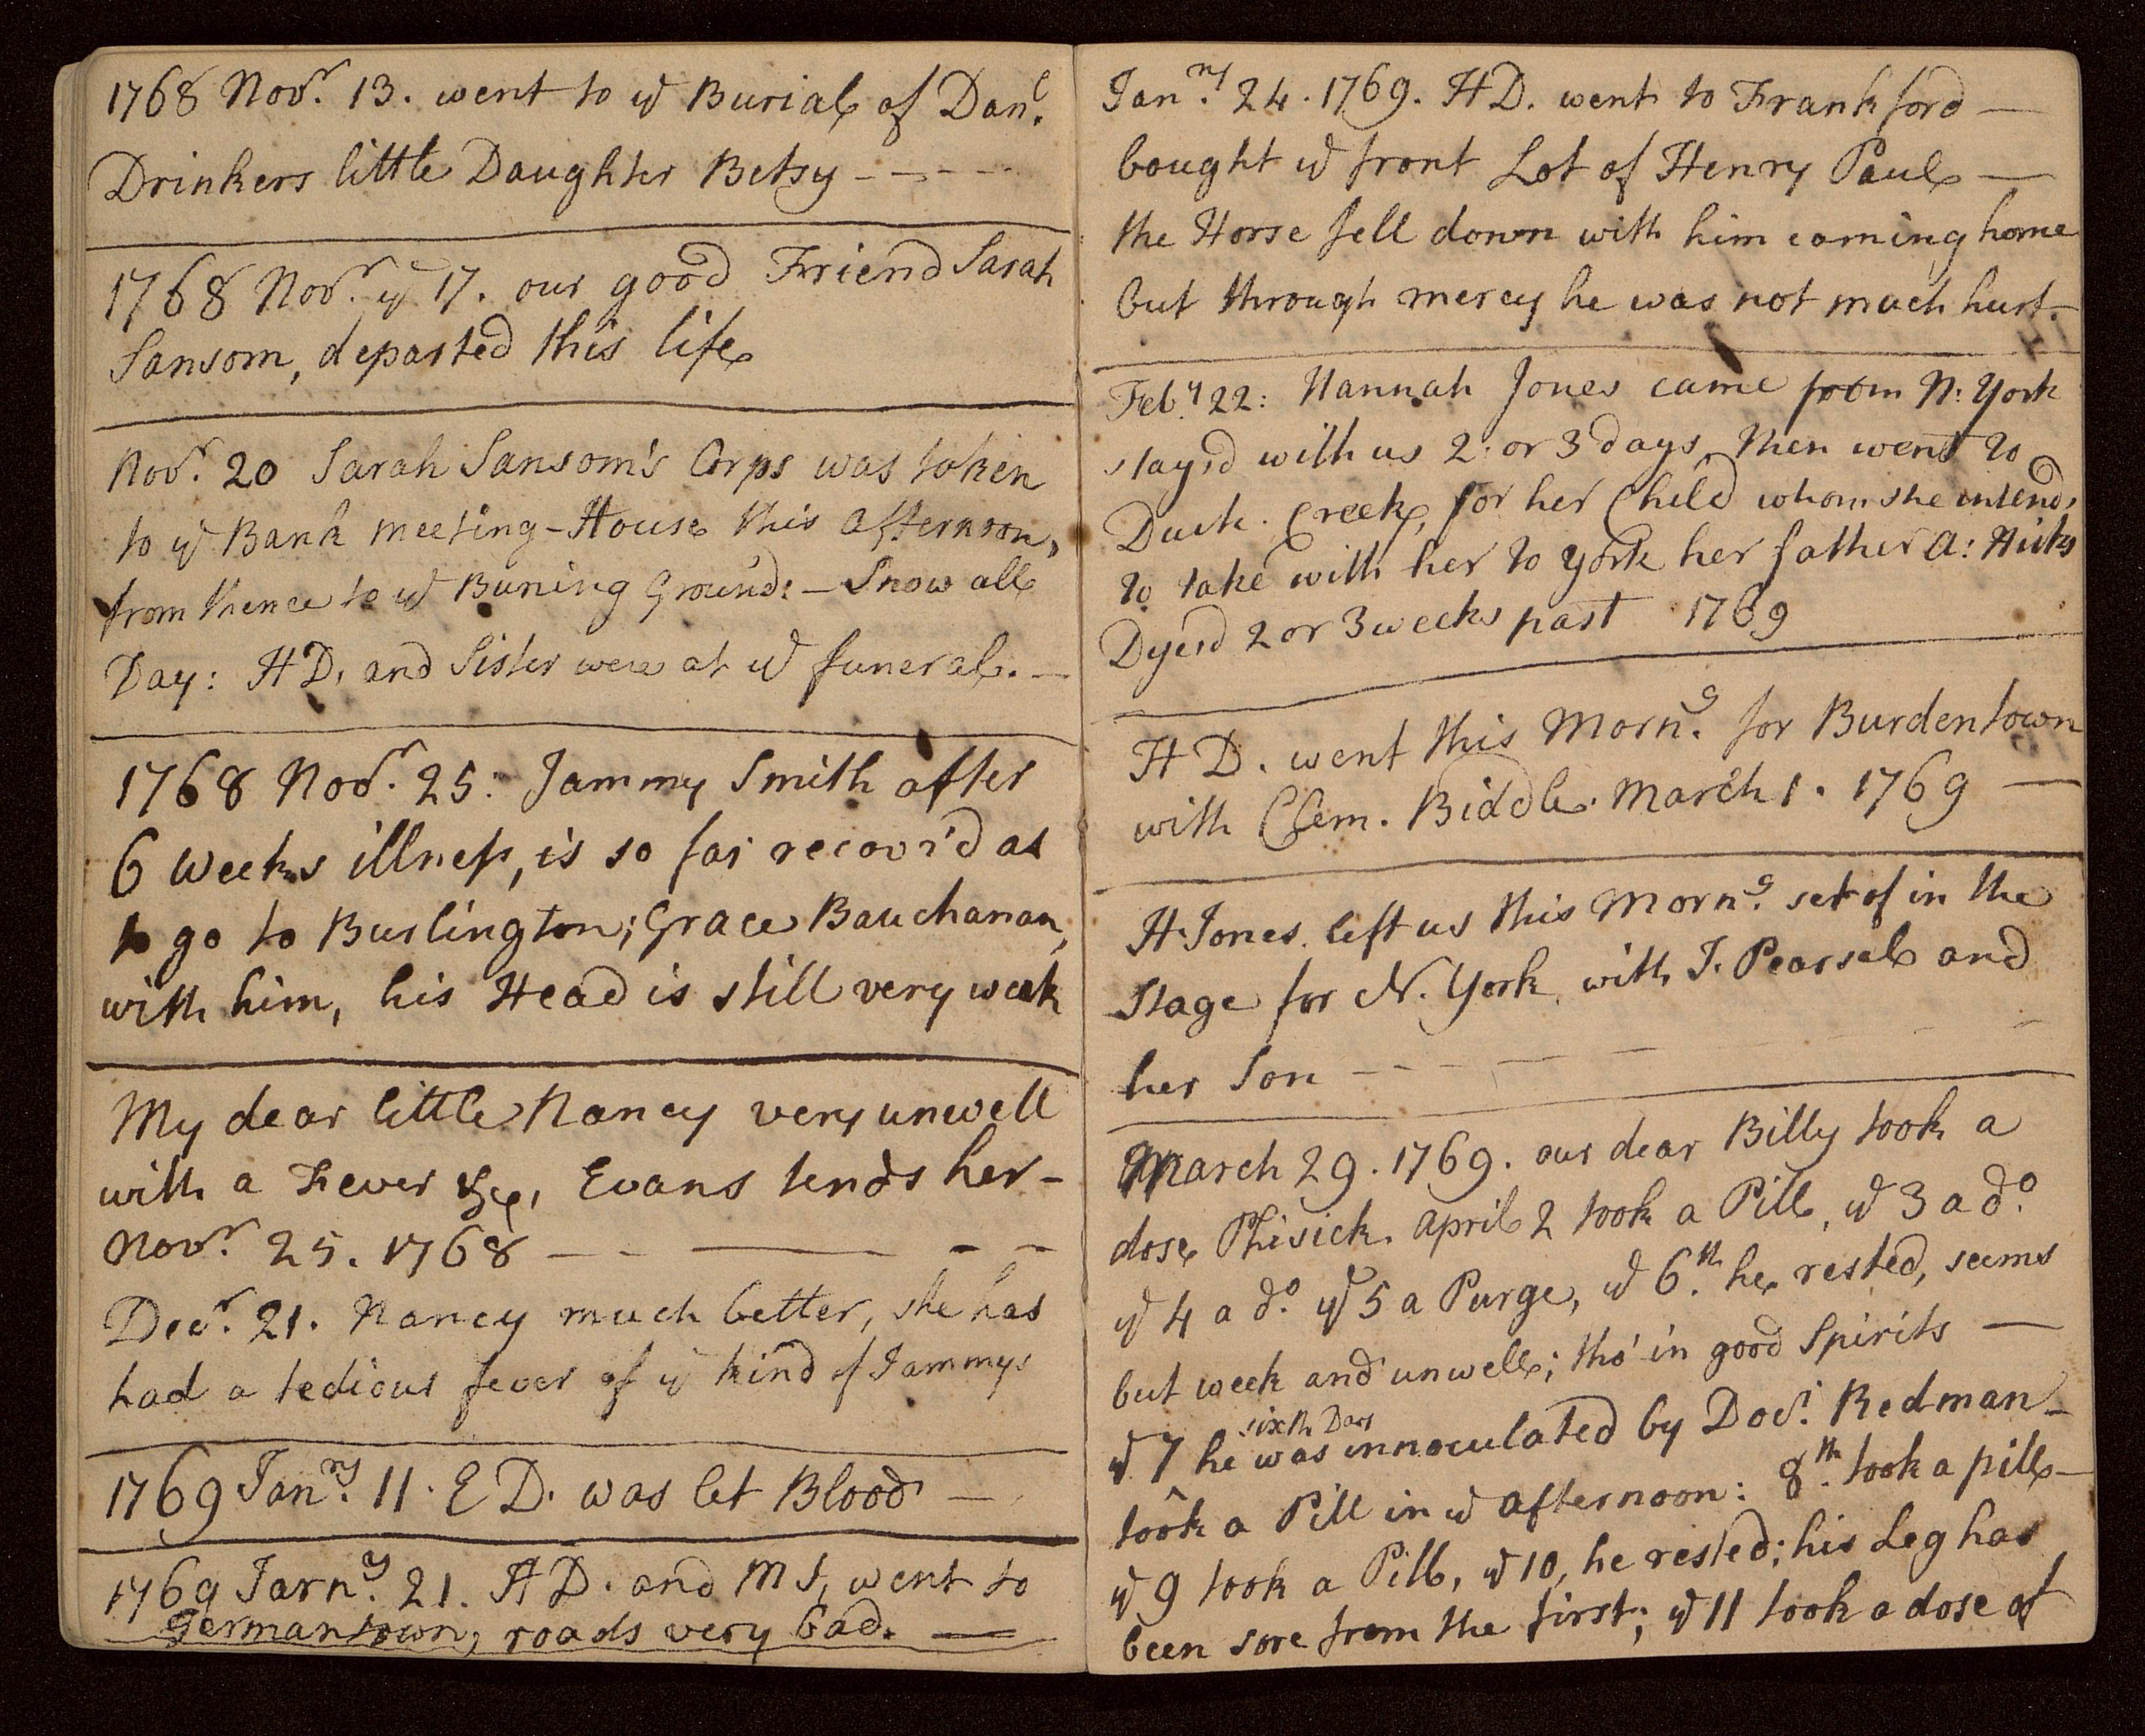1768 Nov^r. 13. went to y^e Burial of Dan^l.
Drinkers little Daughter Betsy-
1768 Nov^r. y^e 17. our good Friend Sarah
Sansom, departed this life-
Nov^r 20 Sarah Sansom's Corps was taken
to y^e Bank meeting- House this Afternoon,
from thence to y^e Burning Grounds- Snow all
Day: HD, and Sister were at y^e funeral.-
1768 Nov^r. 25. Jammy Smith after
6 weeks illness, is so far recovr'd as
to go to Burlington; Grace Bauchanan,
with him, his Head is still very weak
My dear little Nancy very unwell
with a Fever &c, Evans tends her-
Nov^r. 25. 1768-
Dec^r. 21. Nancy much better, she has
had a tedious fever of y^e kind of Jammys
1769 Jan^ry. 11. E D. was let Blood
1769 Jarn^y. 21 HD. and MS, went to
Germantown, roads very bad.-
Jan^ry. 24. 1769. H D. went to Frankford-
bought y^e front Lot of Henry Paul-
the Horse fell down with him coming home
but through mercy he was not much hurt.
Feb^y 22: Hannah Jones came from N. York
stay'd with us 2 or 3 days, then went to
Duck Creek, for her Child whom she intends
to take with her to York her father A: Airty
Dyerd 2 or 3 weeks past 1769
H D. went this morn^g. for Burdentown
with Clem. Biddle. March1. 1769-
H. Jones left us this morn^g. set of in the
Stage for N. York with J. Pearsels and
her Son
March 29. 1769. our dear Billy took a
dose Phisick, April 2 took a Pill, y^e 3 a d^o.
y^e 4 a d^o. y^e 5 a Purge, y^e 6^th he rested, seems
but week and unwell; tho' in good Spirits-
sixth Day
y^e 7 ^ he was innoculated by Doc^r. Redman-
took a Pill in y^e afternoon: 8^th. took a pill-
y^e 9 took a Pill, y^e 10, he rested; his Leg has
been sore from the first; y^e 11 took a dose of